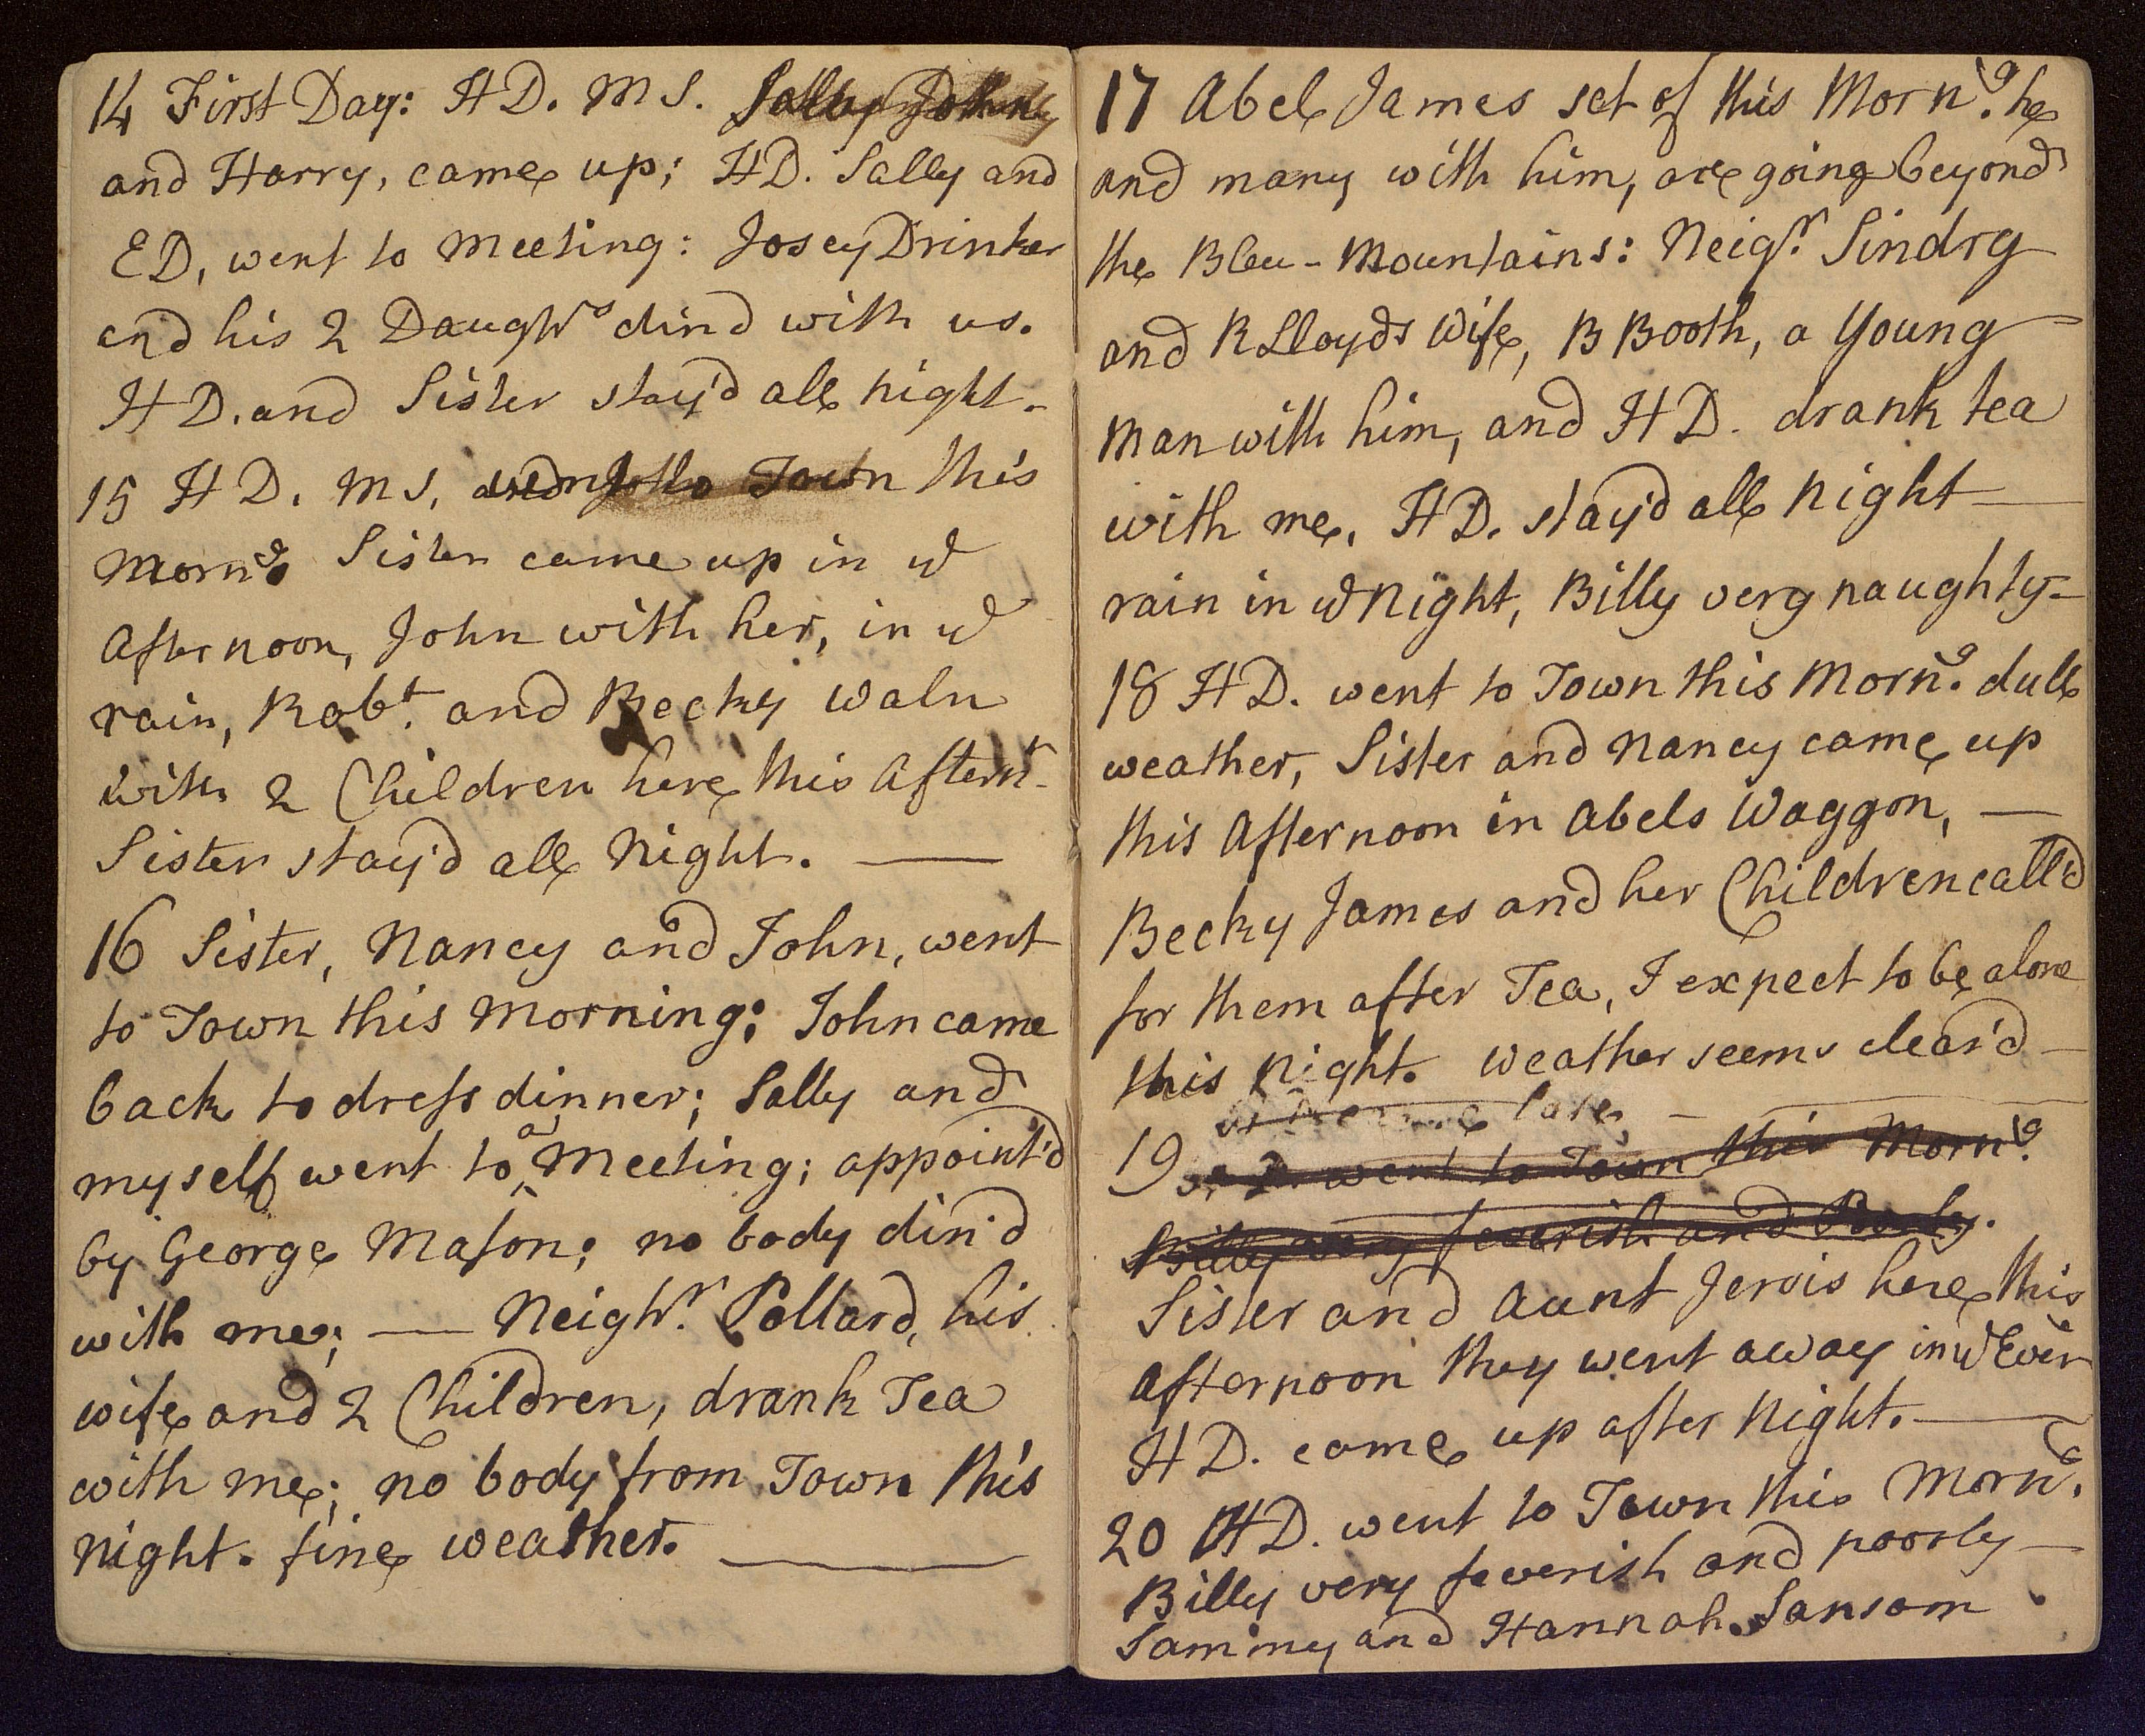14 First Day: H D. M S. [Sally John]
and Harry, came up; H D. Sally and
ED. went to meeting: Josey Drinker
and his 2 Daugh^s dind with us.
HD. and Sister stay'd all night.
15 H D. MS, [____] go to Town this
Morn^g. Sister came up in y^e
Afternoon, John with her, in y^e
rain, Rob^t. and Becky Waln
with 2 Children here this aftern^n-
Sister stay'd all Night.-
16 Sister, Nancy and John, went
to Town this Morning: John came
back to dress dinner; Sally and
myself went to ^a Meeting; appoint'd
by George Mason; no body din'd
with me;- Neigh^r Pollard, his
wife and 2 Children, drank Tea
with me; no body from Town this
night. fine weather.
17 Abel James set of this Morn^g. he
and many with him, are going beyond
the Bleu-Mountains: Neig^r Sindrg
and R Lloyds Wife, B Booth, a Young
Man with him, and H D. drank tea
with me, H D. stay'd all night-
rain in y^e Night, Billy very naughty-
18 H D. went to Town this morn^g. dull
weather, Sister and Nancy came up
this Afternoon in Abels Waggon,-
Becky James and her Children call'd
for them after Tea, I expect to be alone
this night. Weather seems clear'd-
[HD came late]
19 [HD went to Town this] Morn^g.
[Billy very feverish and Poorly.]
Sister and Aunt Jervis here this
Afternoon they went away in y^e Even^g
HD. came up after Night.-
20 HD. went to Town this Morn^g
Billy very feverish and poorly -
Sammy, and Hannah Sansom